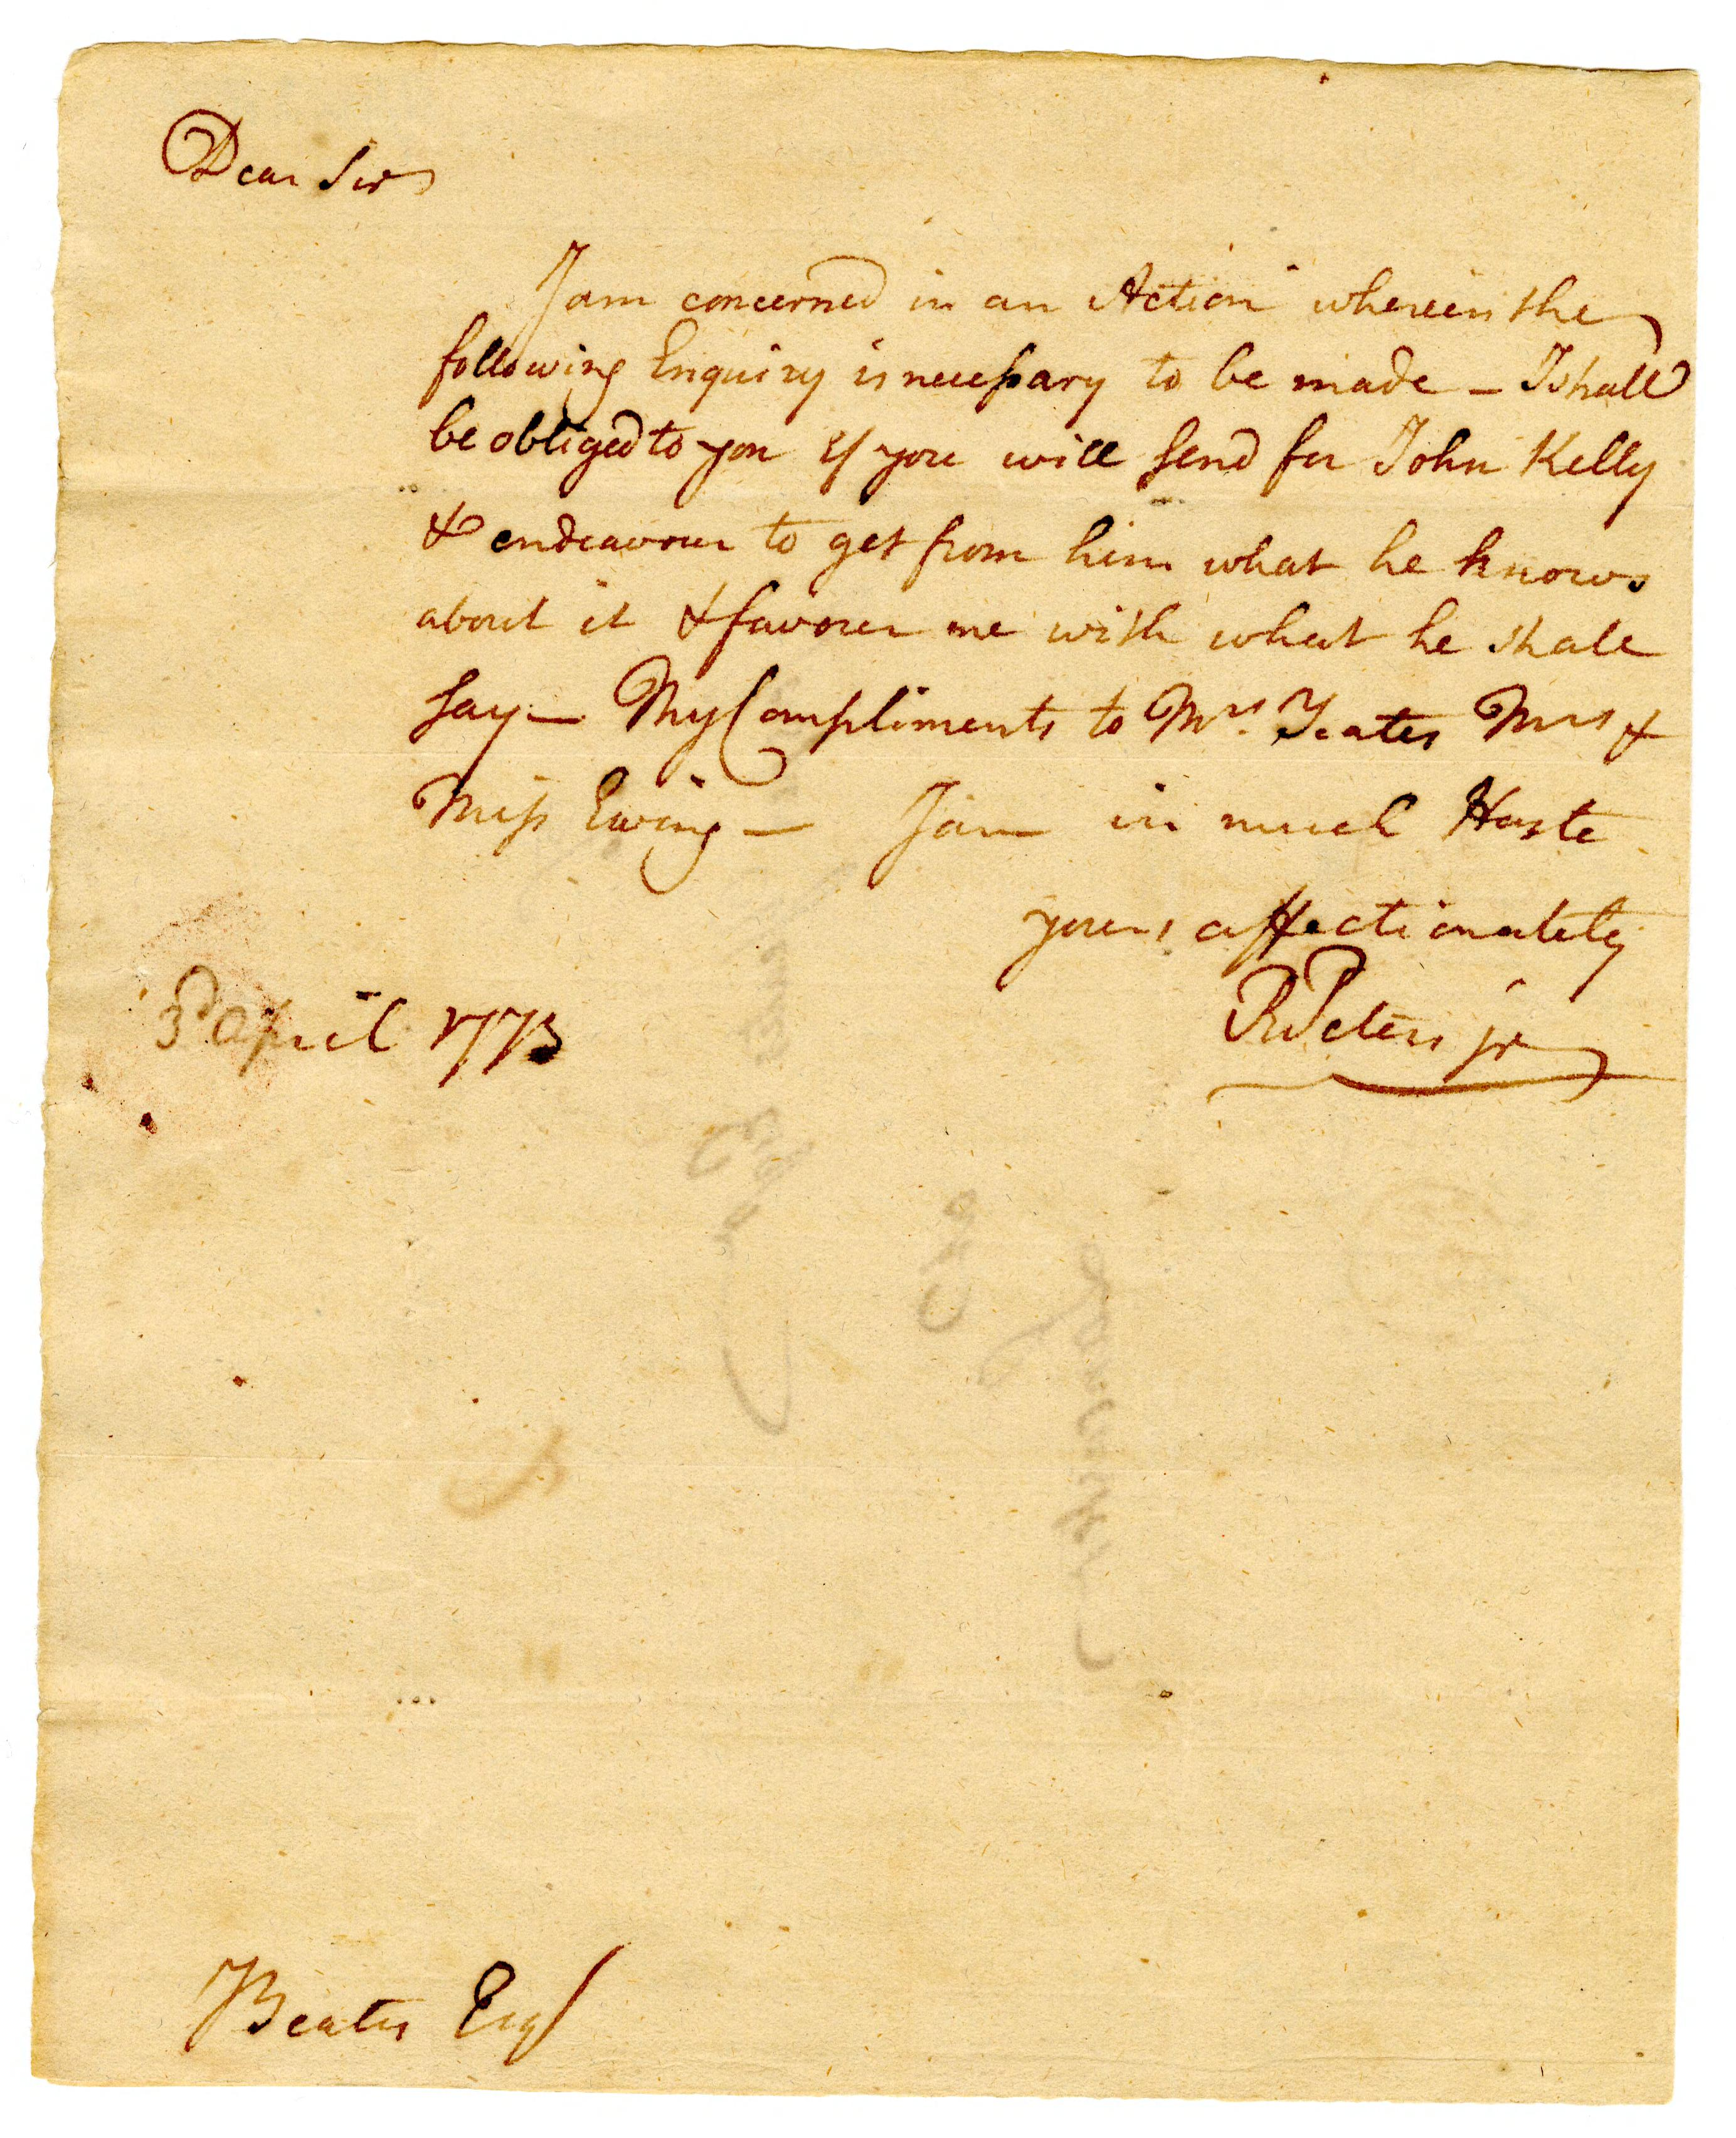Dear Sir
I am concerned in an Action wherien the
following Enquiry is necessary to be made. I shall
be obliged to you if you will send for John Kelly
& endeavour to get from him what he knows
about it & favour me with what he shall
say. My Compliments to M^rs. Yeates M^rs &
Miss Ewing. Join in much Haste
yours affectionately
R. Peters Jr
3 April 1773
Beates Esq^r